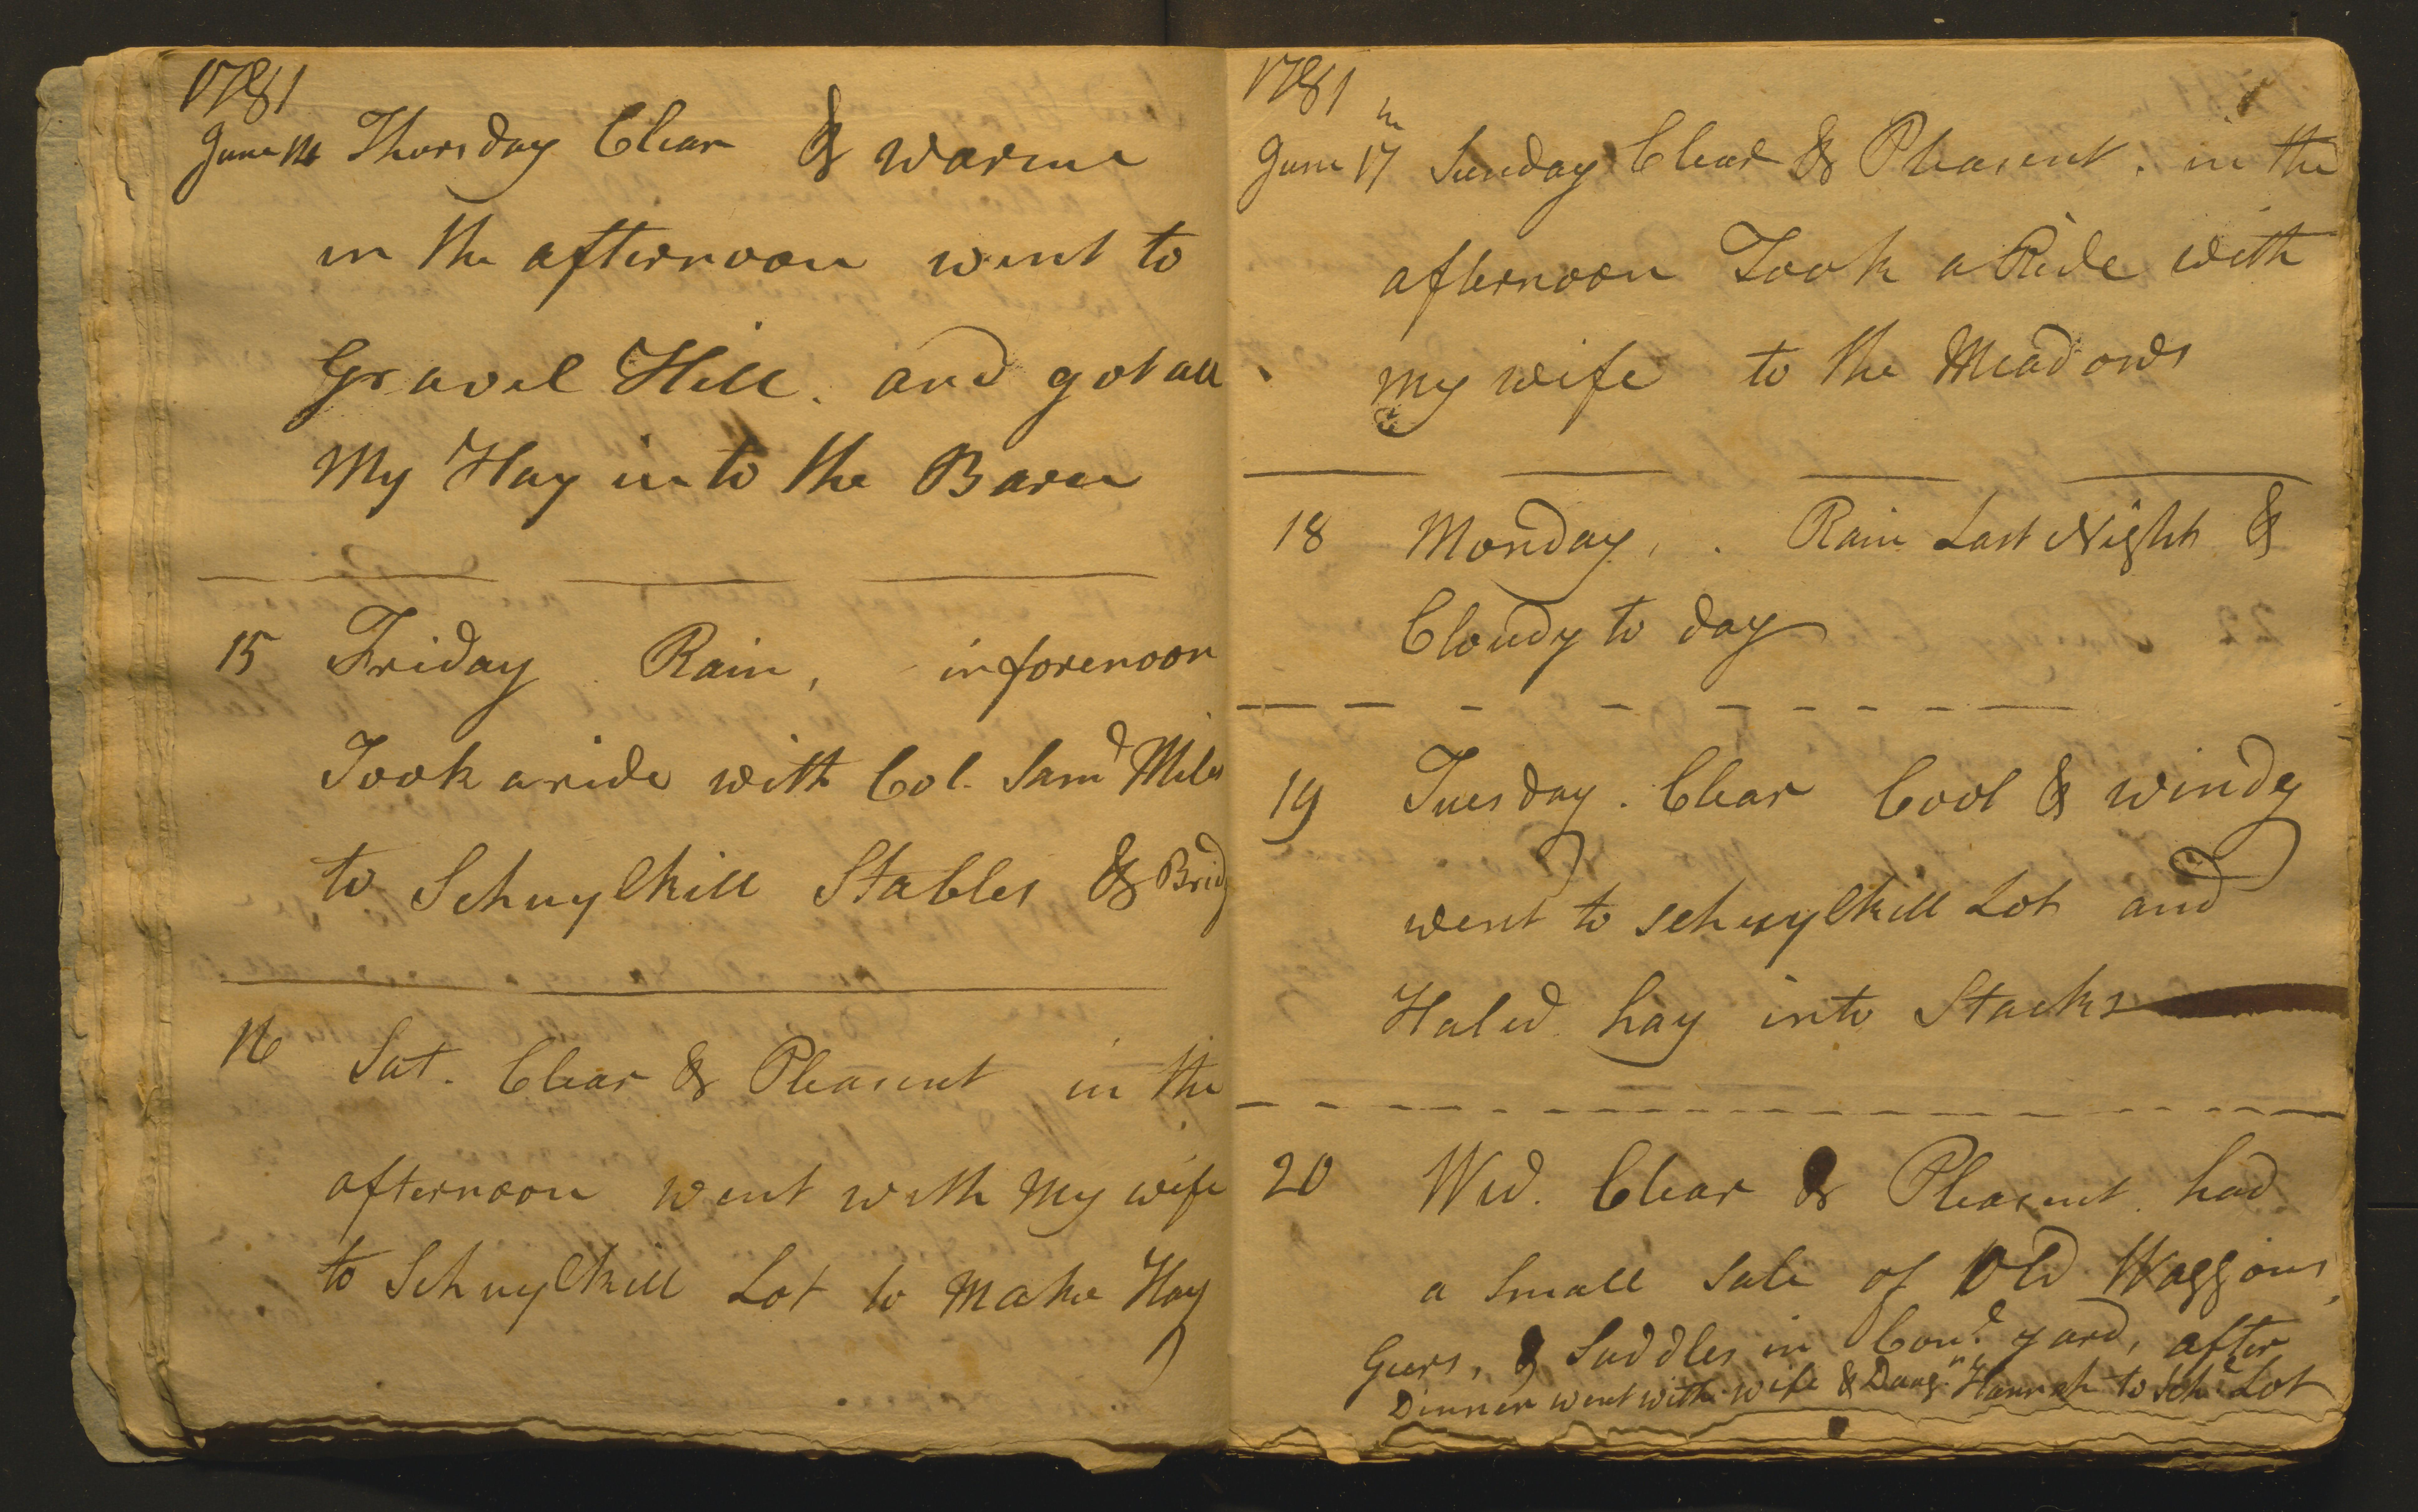1781
June 14 Thursday Clear & warme
in the afternoon, went to
Gravel Hill, and got all
My Hay into the Barn
15 Friday, Rain in forenoon
Took a ride with Col. Sam^l Miles
to Schuylkill Stables, & Bridge
16 Sat. Clear & Pleasent in the
afternoon went with My wife
to Schuylkill Lot to Make Hay
1781
June 17^th Sunday Clear & Pleasent. in the
afternoon Took a Ride with
my wife, to the Meadows
18 Monday. Rain Last Night &
Cloudy to day
19 Tuesday. Clear Cool & windy
went to schuylkill Lot and
Haled hay into Stacks
20 Wed. Clear & Pleasent had
a small sale of Old. Waggons
Geers. & Saddles in Con^l. yard, after
Dinner went with wife & Daug^r. Hannah to Sch^l Lot